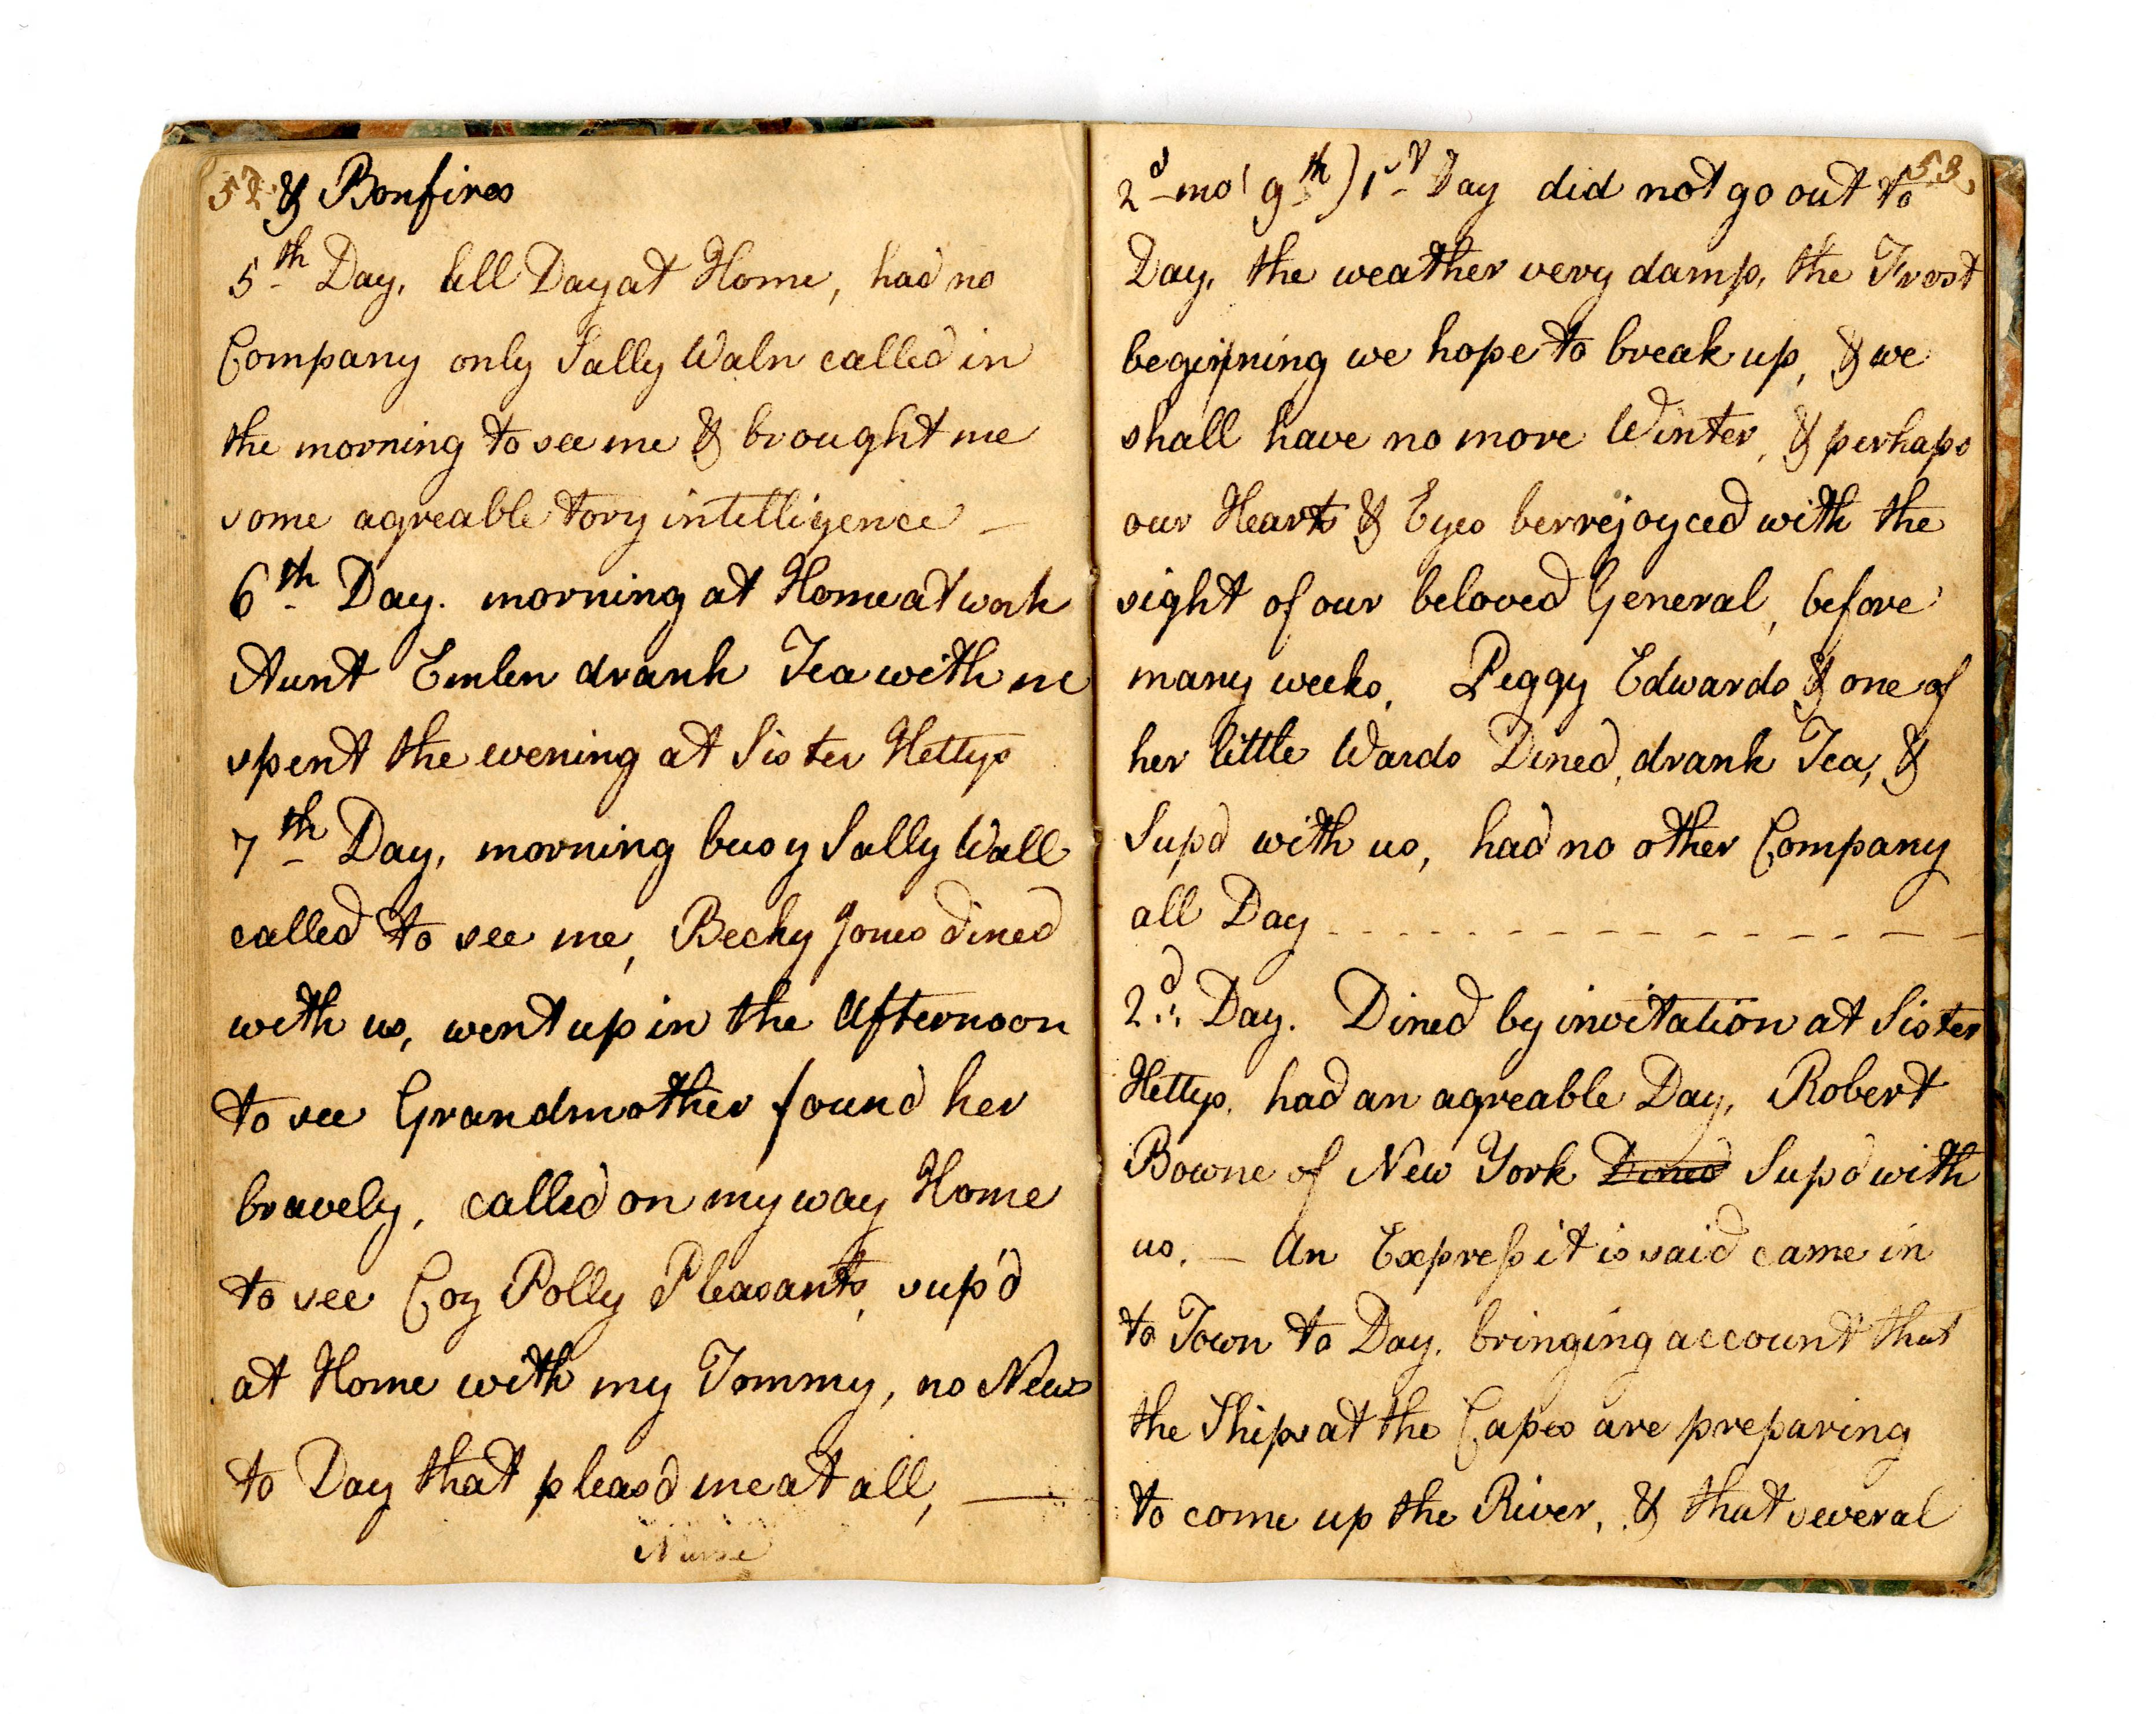& Bonfires
5^th Day, all Day at Home, had no
Company only Sally Waln called in
the morning to see me & brought me
some agreable tory intelligence-
6^th Day. morning at Home at work
Aunt Emlen drank Tea with me
spent the evening at Sister Hettys
7^th Day, morning busy Sally Wall
called to see me, Becky Jones dined
with us, went up in the afternoon
to see Grandmother found her
bravely, called on my way Home
to see Coz Polly Pleasants, sup'd
at Home with my Tommy, no News
to Day that pleasd me at all,
Nurse
2^d mo' 9^th ) 1^st Day did not go out to ^53
Day, the weather very damp, the Frost
beginning we hope to break up , & we
shall have no more Winter, & perhaps
our Heart & Eyes ber rejoyced with the
sight of our beloved General, before
many weeks, Peggy Edwards & one of
her little Wards Dined, drank Tea, &
Supd with us, had no other Company
all Day
2^d Day. Dined by invitation at Sister
Hettys, had an agreable Day, Robert
Bowne of New York [Dined] Supd with
us.- An Express it is said came in
to Town to Day, bringing account that
the Ships at the Capes are preparing
to come up the River, & that several